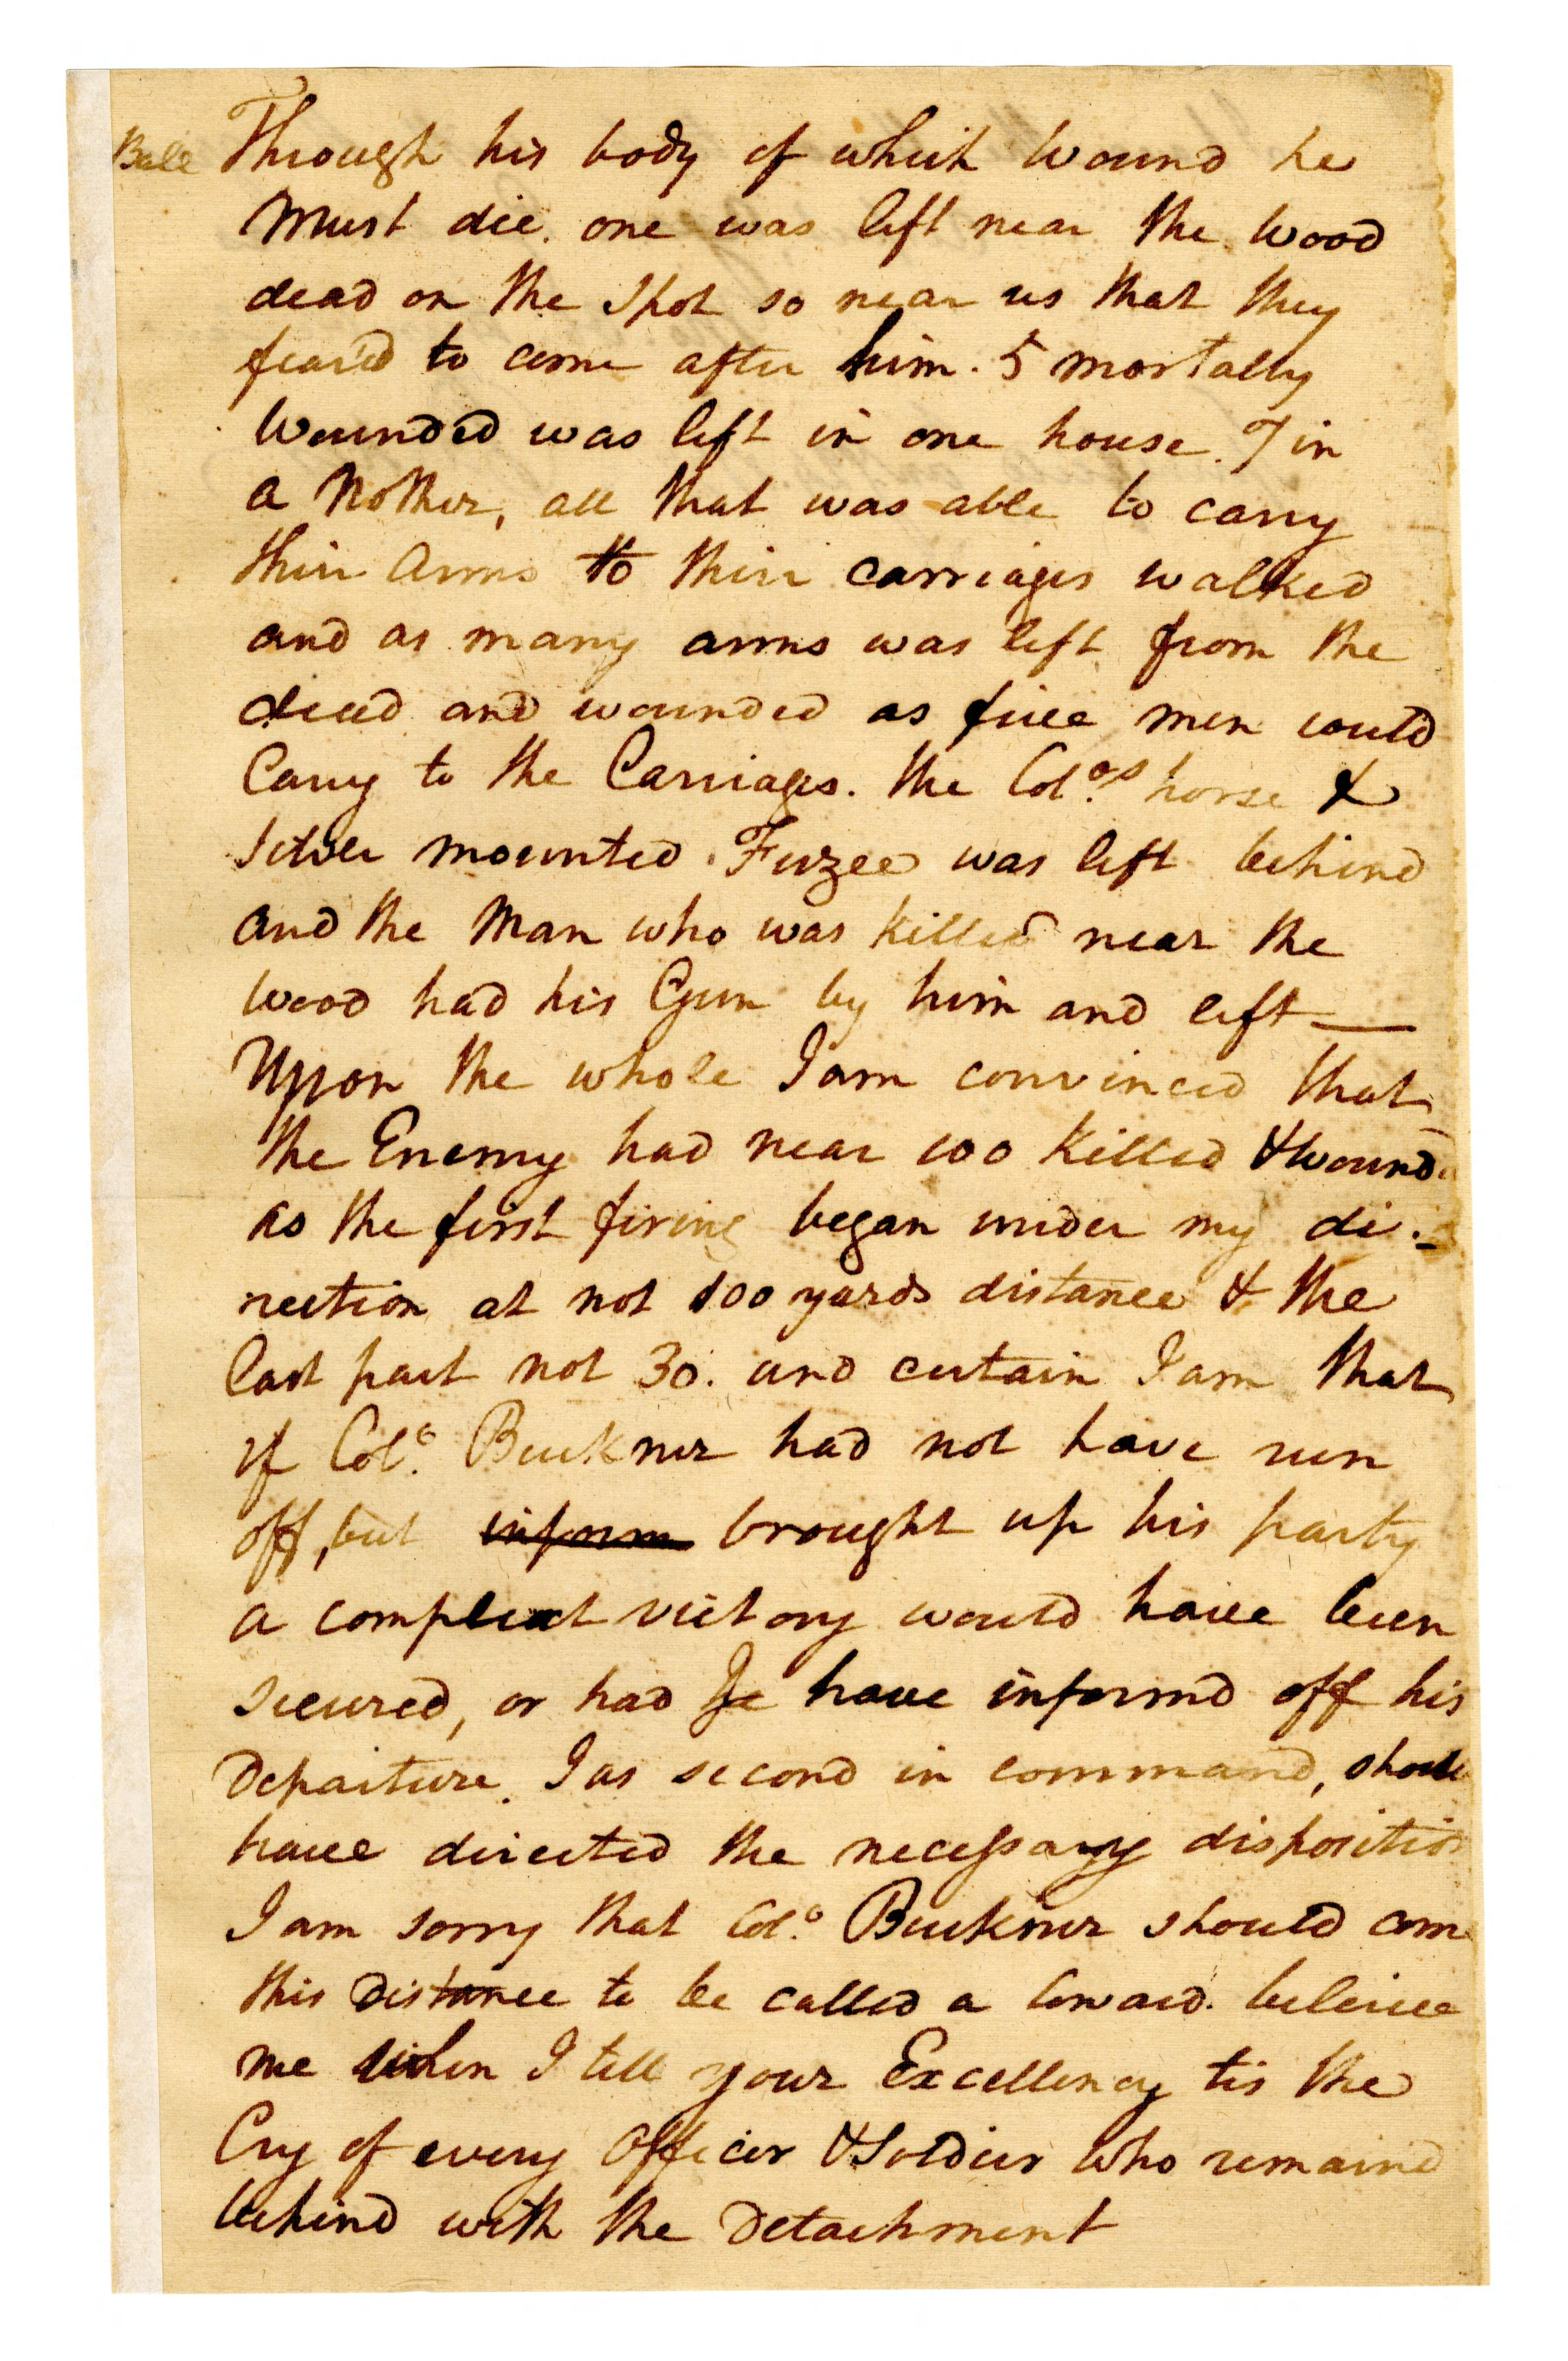Ball Through his body of which wound he
must die. one was left near the wood
dead on the spot so near us that they
fear'd to come after him. 5 mortally
wounded was left in one house 7 in
a nother, all that was able to carry
their Arms to their carriages walked
and as many arms was left from the
dead and wounded as five men could
Carry to the Carriages. the Col^os. horse &
Silver mounted Fuzee was left behind
and the Man who was killed near the
wood had his Gun by him and left-
Upon the whole I am convinced that
the Enemy had near 100 killed & woundd
as the first firing began under my di-
rection at not 100 yards distance & the
last part not 30 and certain I am that
if Col^o. Buckner had not have run
off, but [inform] brought up his party
a compleat victory would have been
secured, or had I have informd off his
departure. I as second in command, should
have directed the necessary disposition
I am sorry that Col^o. Buckner should on
this distance to be called a Coward believe
me when I tell your Excellency tis the
Cry of every Officer & Soldier who remaind
behind with the detachment